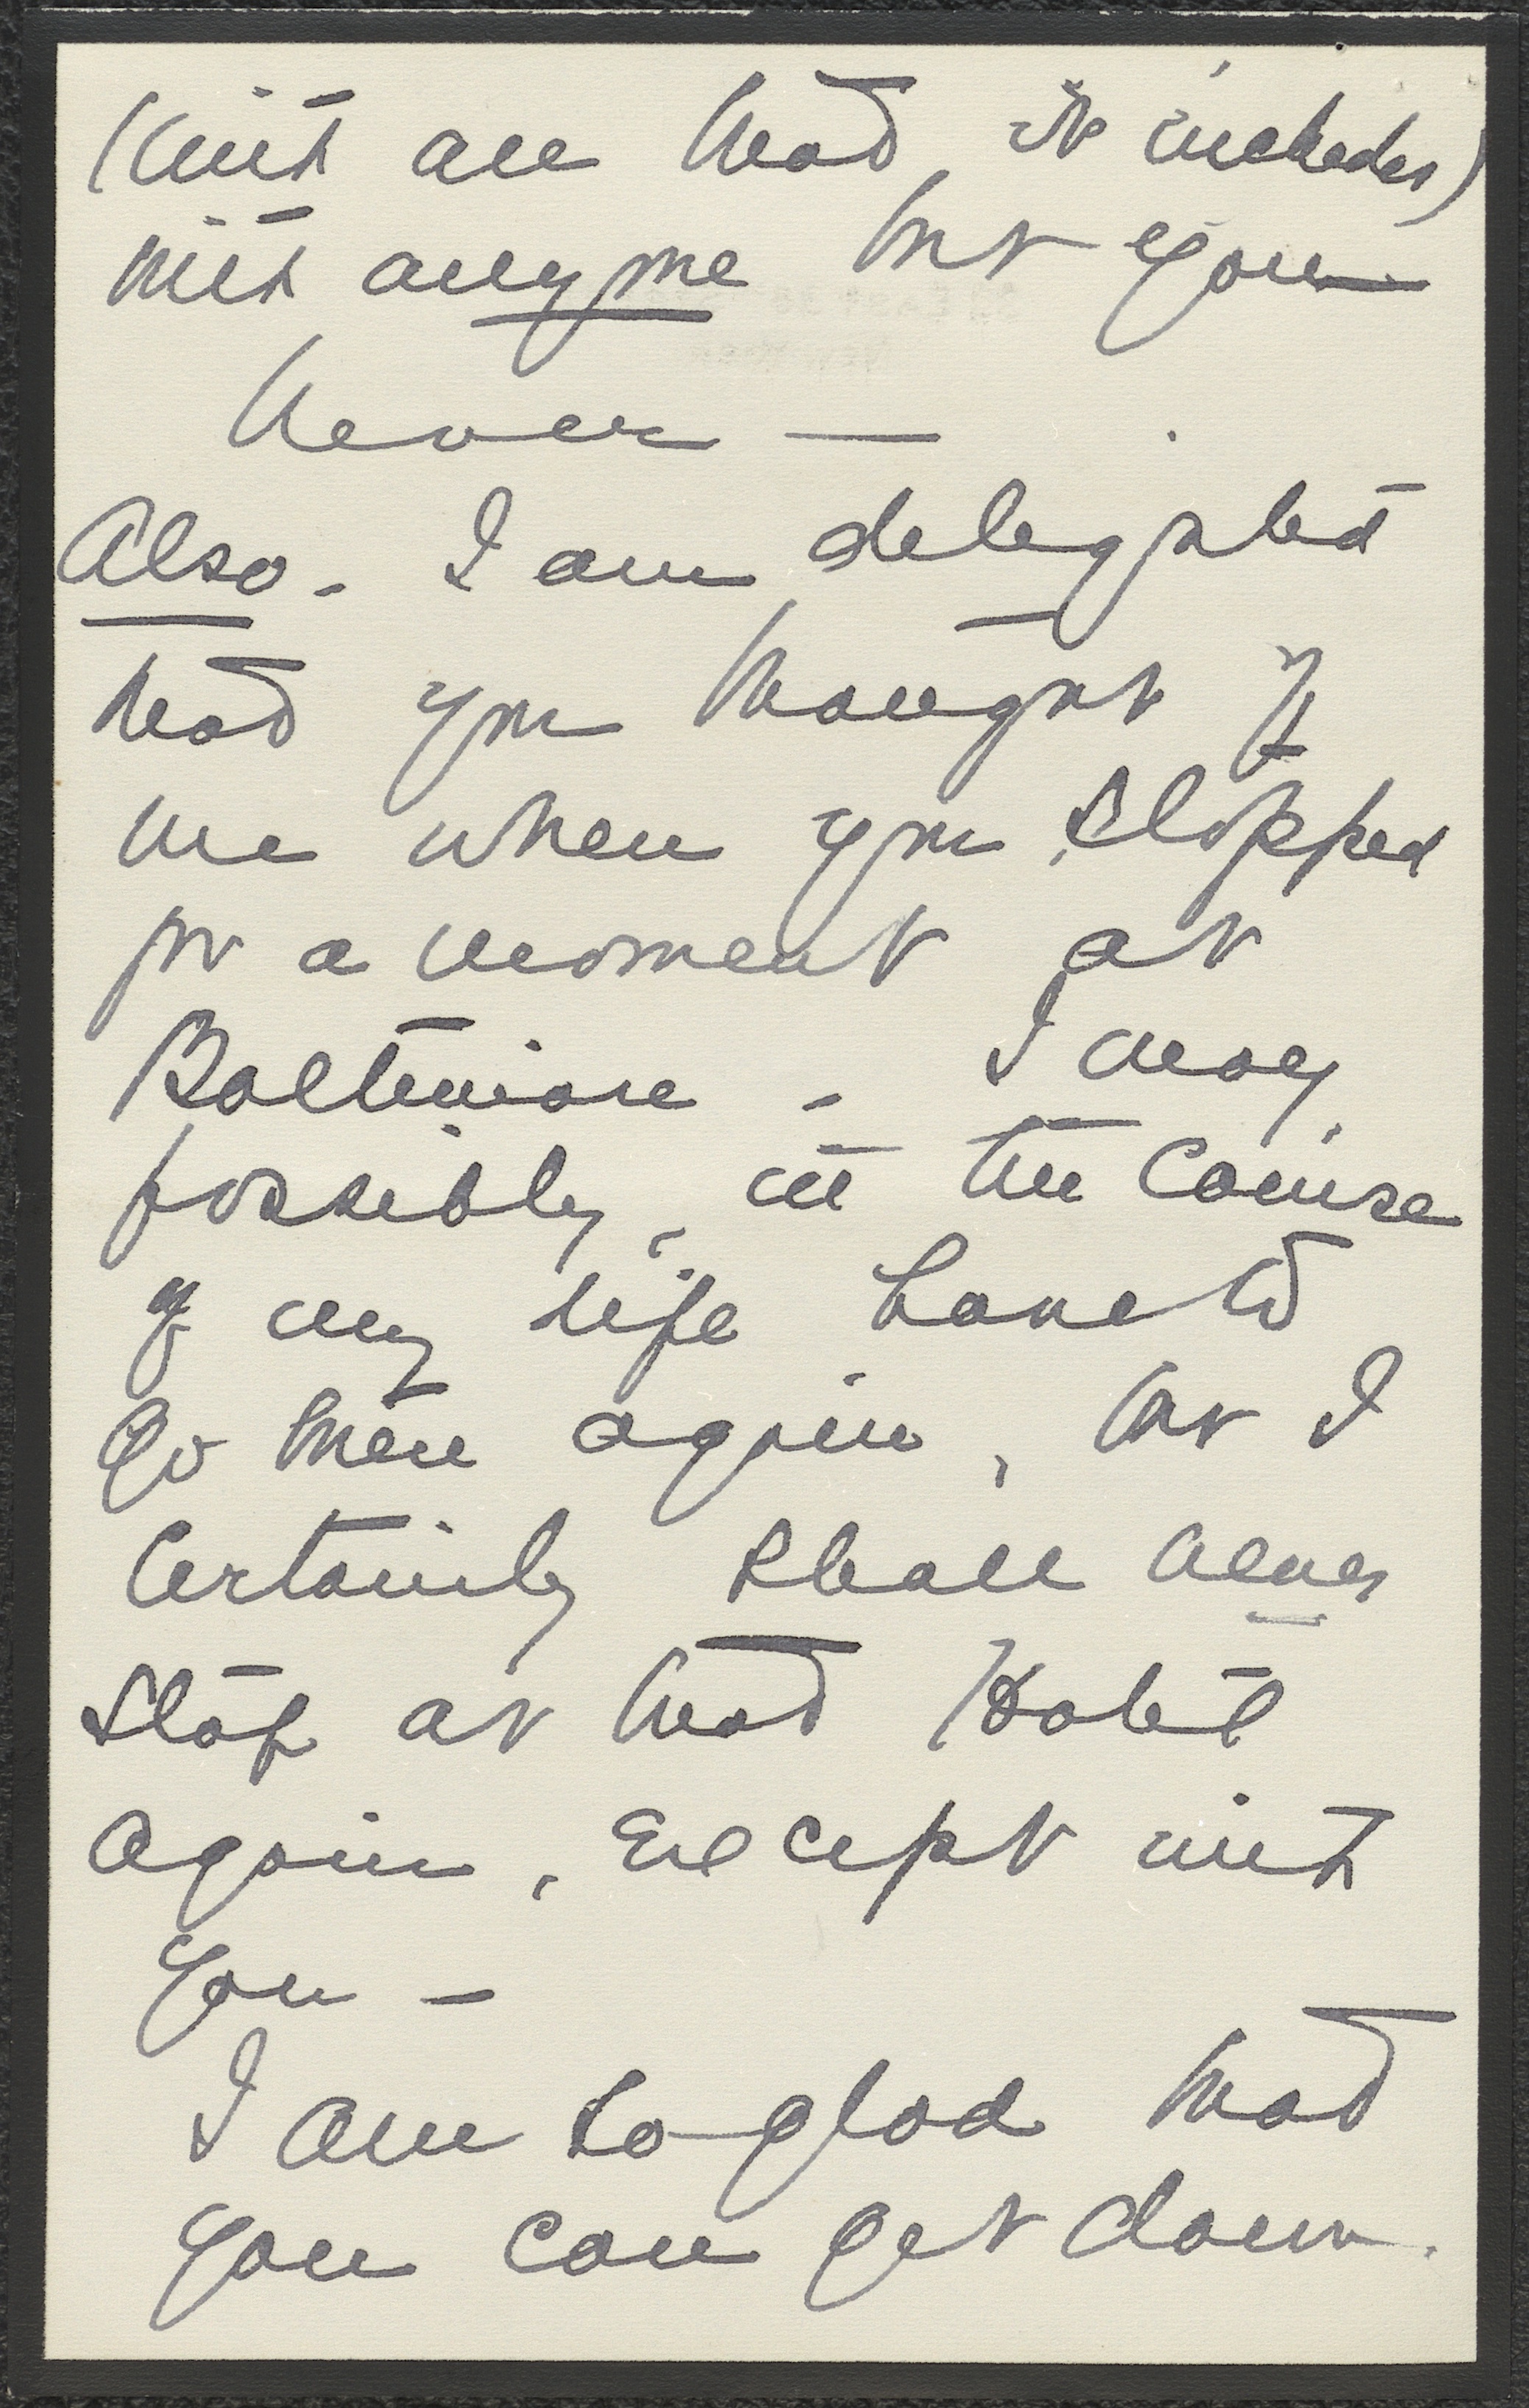(With all that it includes) with anyone but you – Never – Also. I am delighted that you thought of me when you stopped for a moment at Baltimore – I may, possibly, in the course of my life have to go there again, but I certainly shall never stop at that Hotel again, except with you –
I am so glad that you can get down